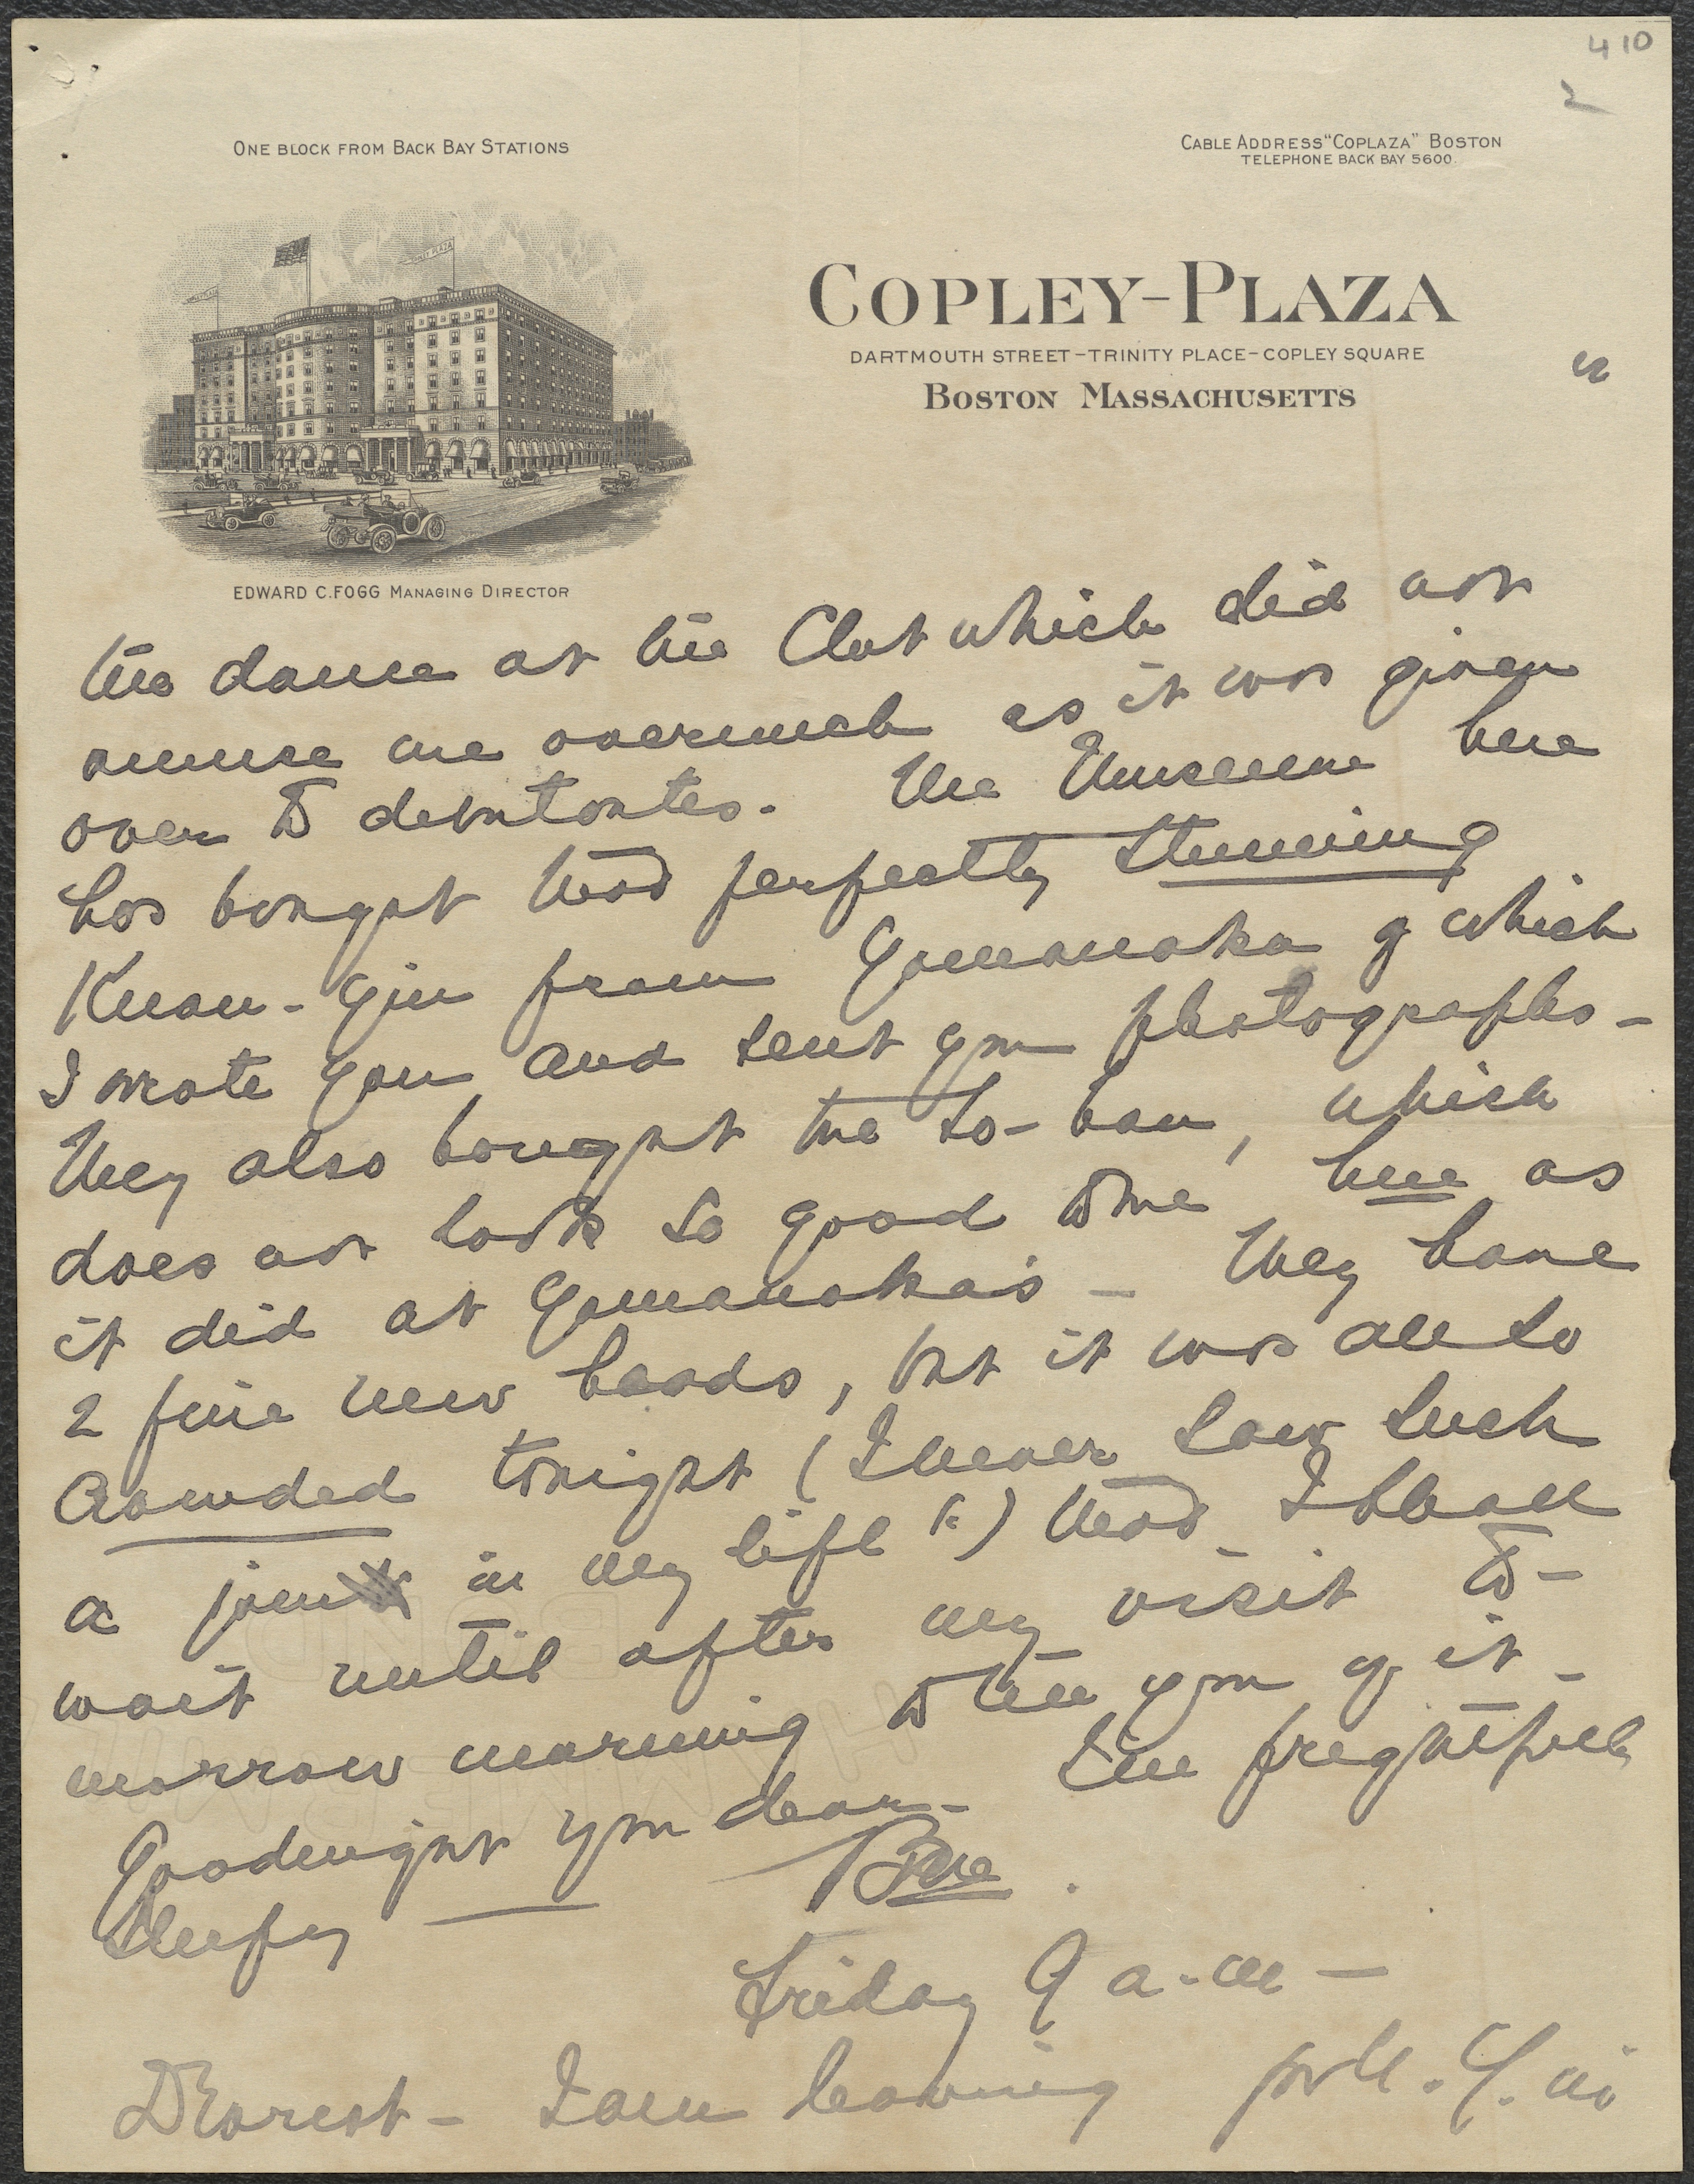the dance at the club which did not amuse me over much as it was given over to debutants. The museum here has bought that perfectly stunning Kuan-yin from Yamanaka’s of which I wrote you and sent you photographs – They also bought the Lo-han, which does not look so good to me here as it did at Yamanaka’s – they have 2 fine new leads, but it was all so crowded tonight (I never saw such a jamt in my life) that I shall wait until after my visit tomorrow morning to tell you of it – Goodnight you dear – I’m frightfully sleepy –
Belle
Friday 9 a.m. –
Dearest – I am leaving for N.Y. in